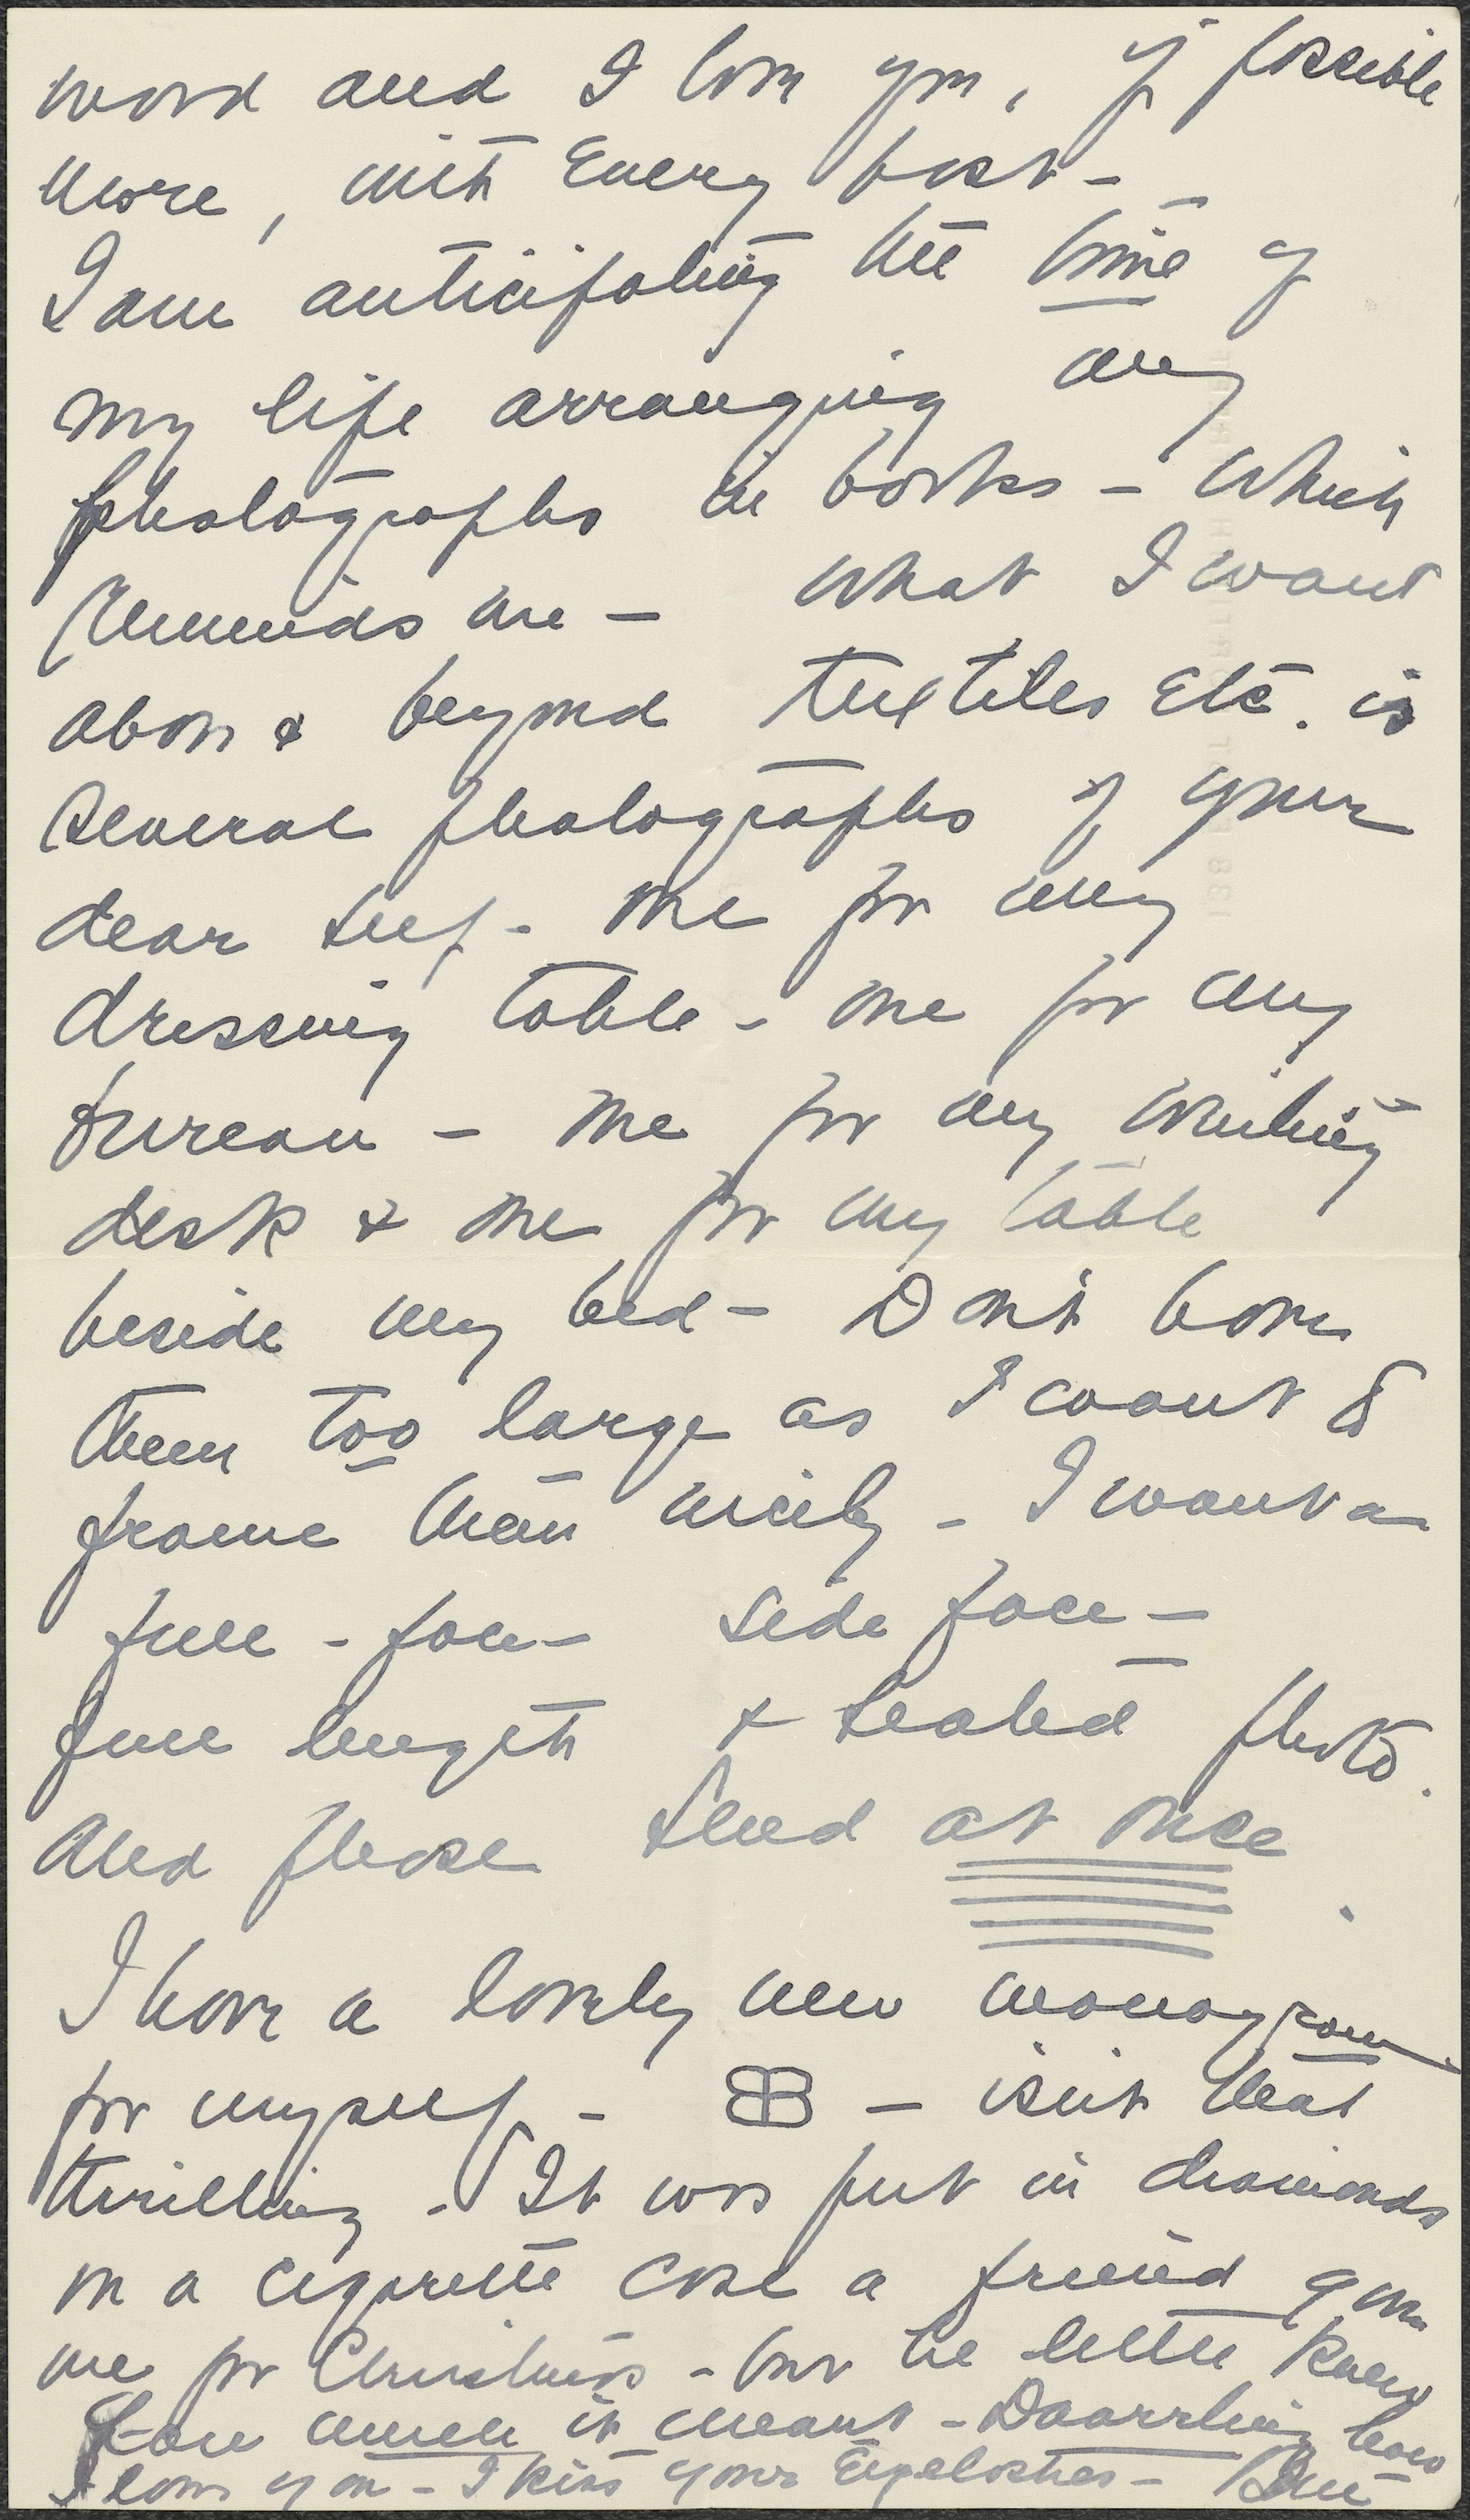word and I love you, if possible more, with every post –
I am anticipating the time of my life arranging my photographs in books – which reminds me – what I want above & beyond textiles etc. is several photographs of your dear self – one for my dressing table – one for my bureau – one for my writing desk & one for my table beside my bed – Don’t have them too large as I want to frame them nicely – I want a full-face – side face – full length & seated photo. and please send [quintuple underlined: at once].
I have a lovely new monogram for myself – [symbol: a backwards “B” directly beside a front-facing “B”] – isn’t that thrilling – It was put in diamonds on a cigarette case a friend gave me for Christmas – but he little knew how much it meant – Daarrling how I love you – I kiss your eyelashes – Belle